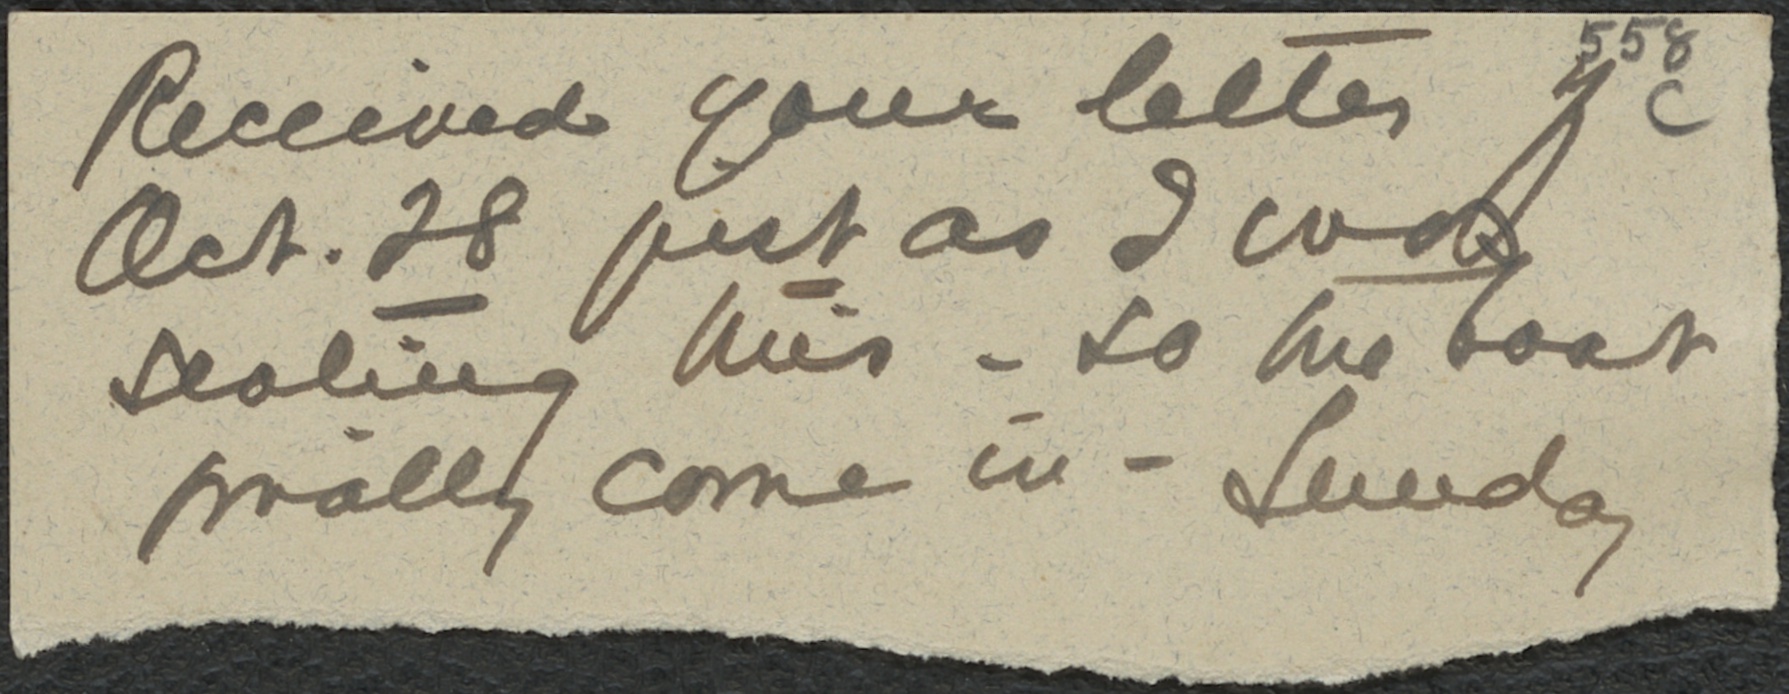Received your letter of Oct. 28 just as I was sealing this – so the boat finally came in – Sunday